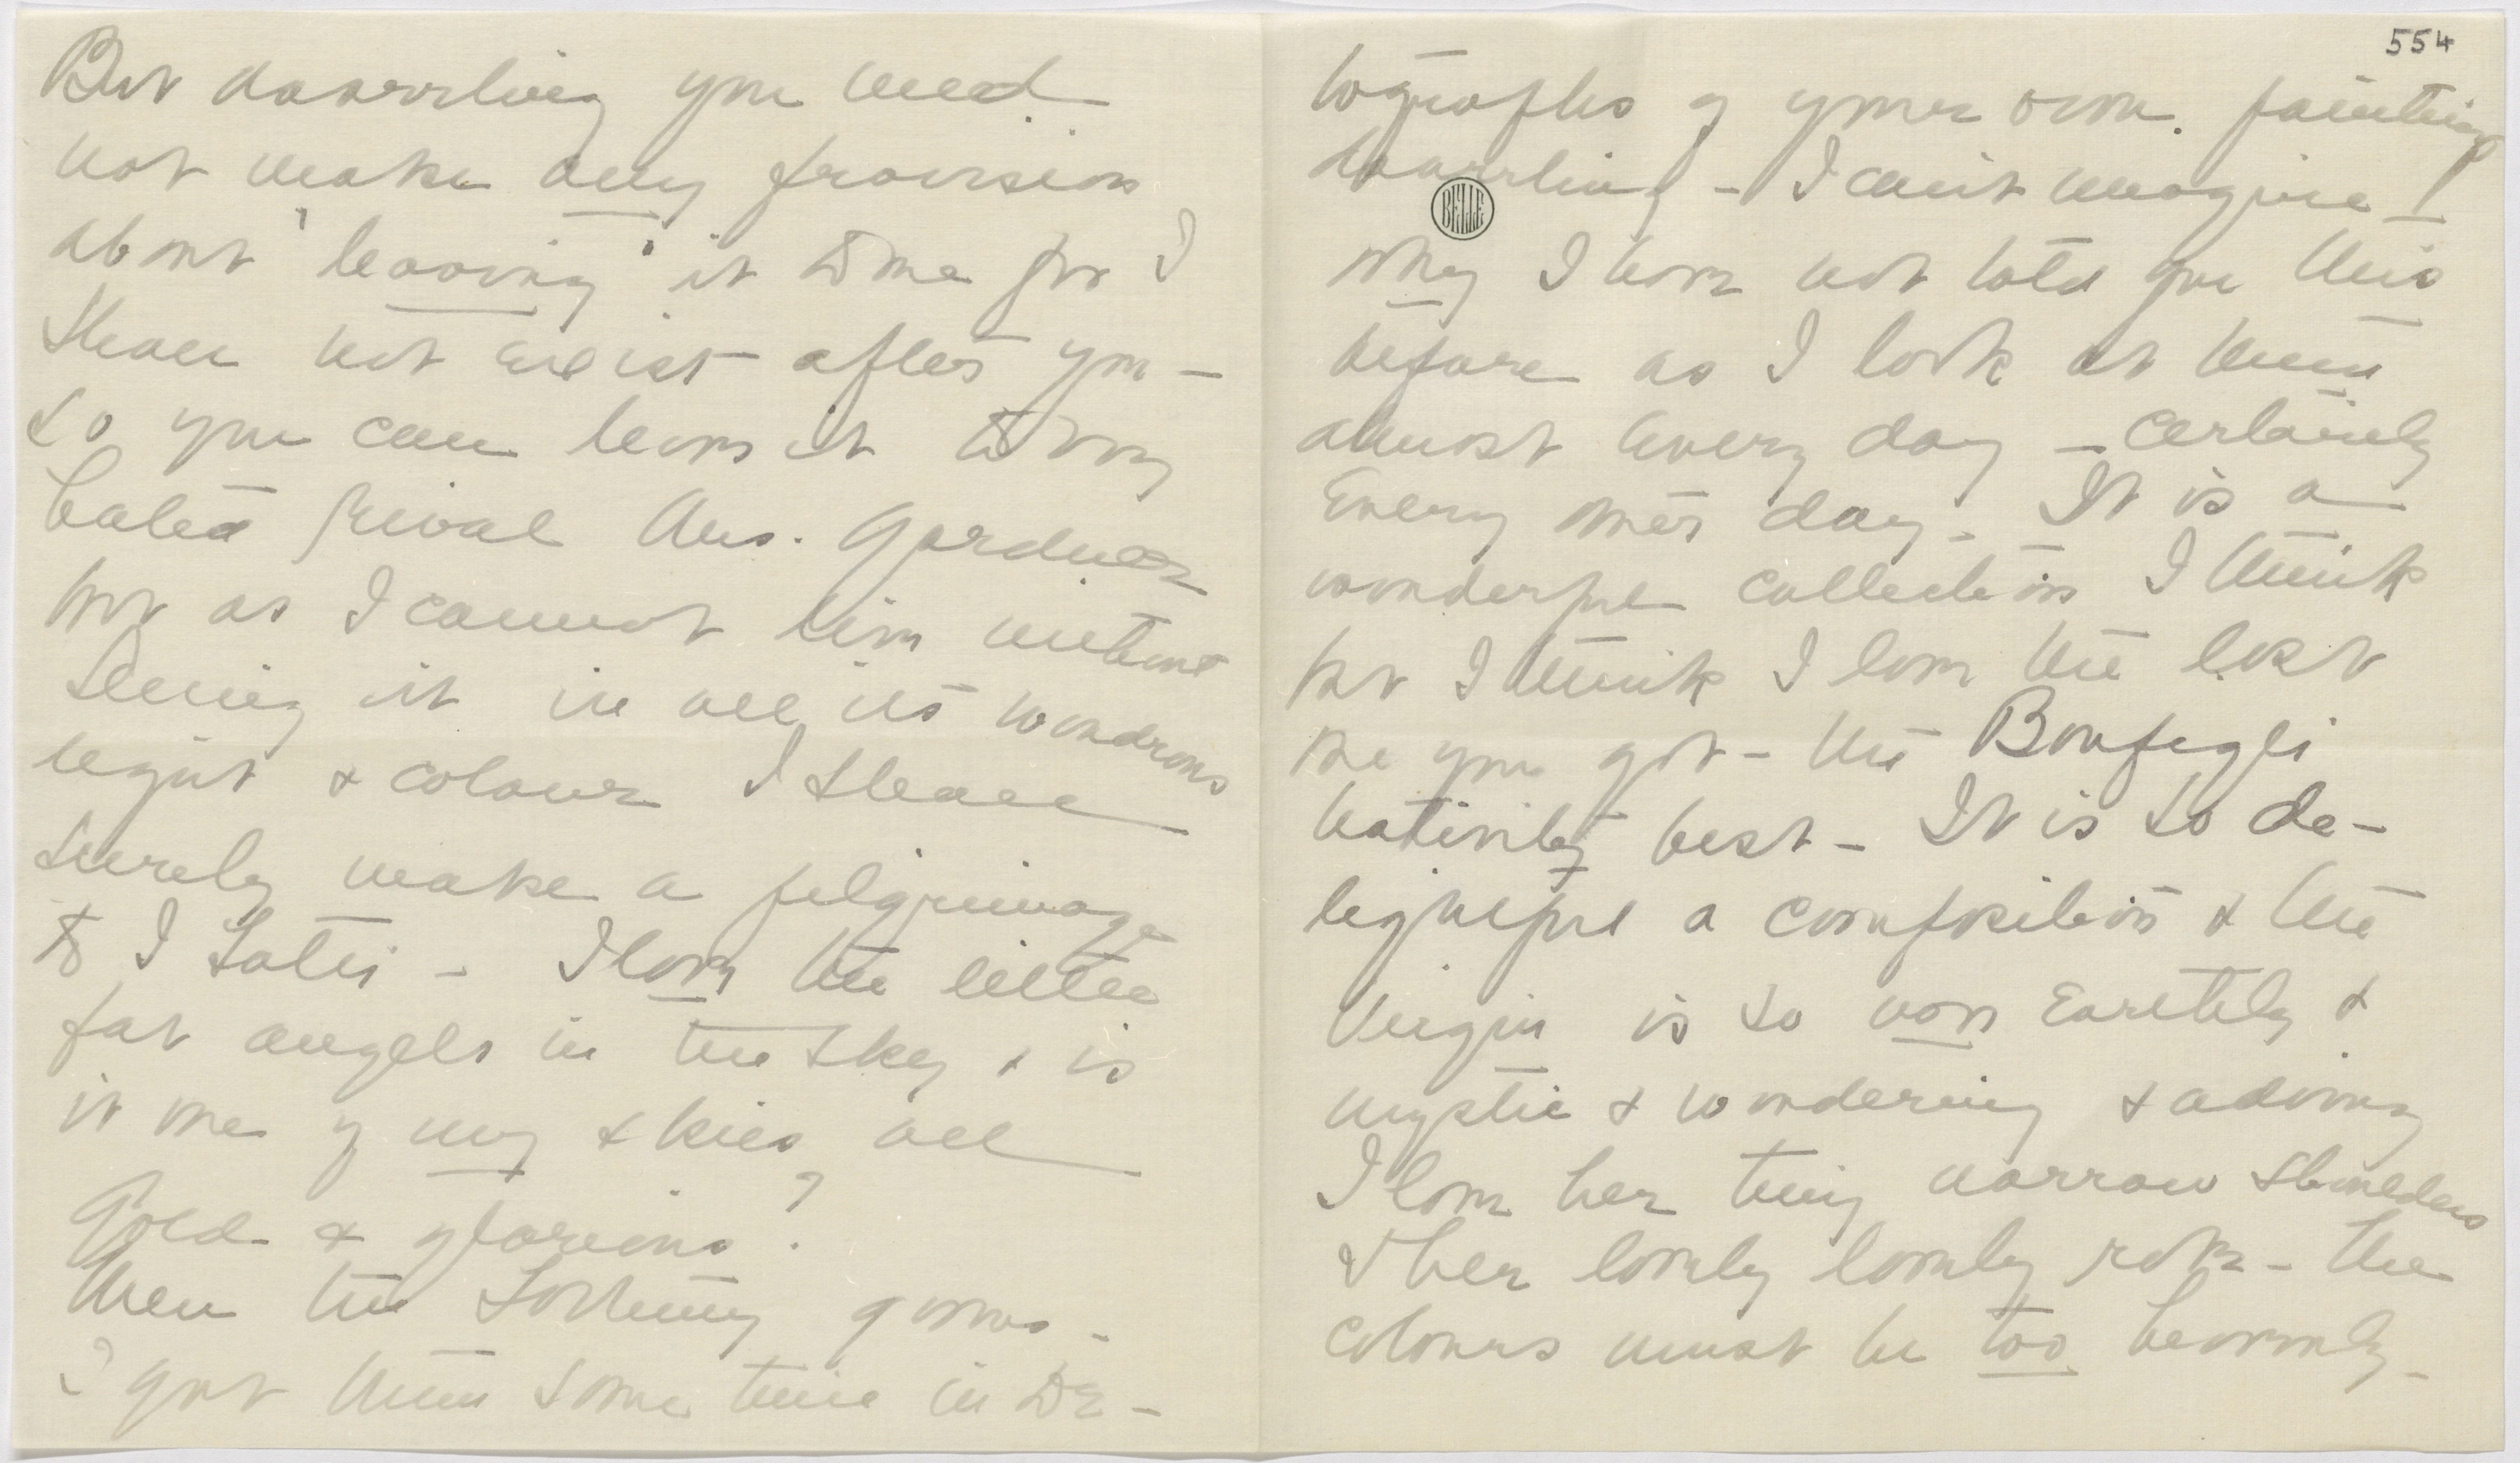of your own paintings daarrling – I can’t imagine why I have not told you this before as I look at them almost every day – certainly every other day – It is a wonderful collection I think but I think I love the last one you got – the Bonfigli Nativity best – It is so delightful a composition & the Virgin is so non earthly & mystic & wondering & adoring I love her tiny narrow shoulders & her lovely lovely robe – The colours must be too heavenly –
But daarrling you need not make any provision about “leaving” it to me for I shall not exist after you – so you can leave it to my hated rival Mrs. Gardner but as I cannot live without seeing it in all its wondrous light & colour I shall surely make a pilgrimage to I Tatti – I love the little fat angels in the sky & is it one of my skies all gold & glorious?
Then the Fortuny gowns – I got them some time in December